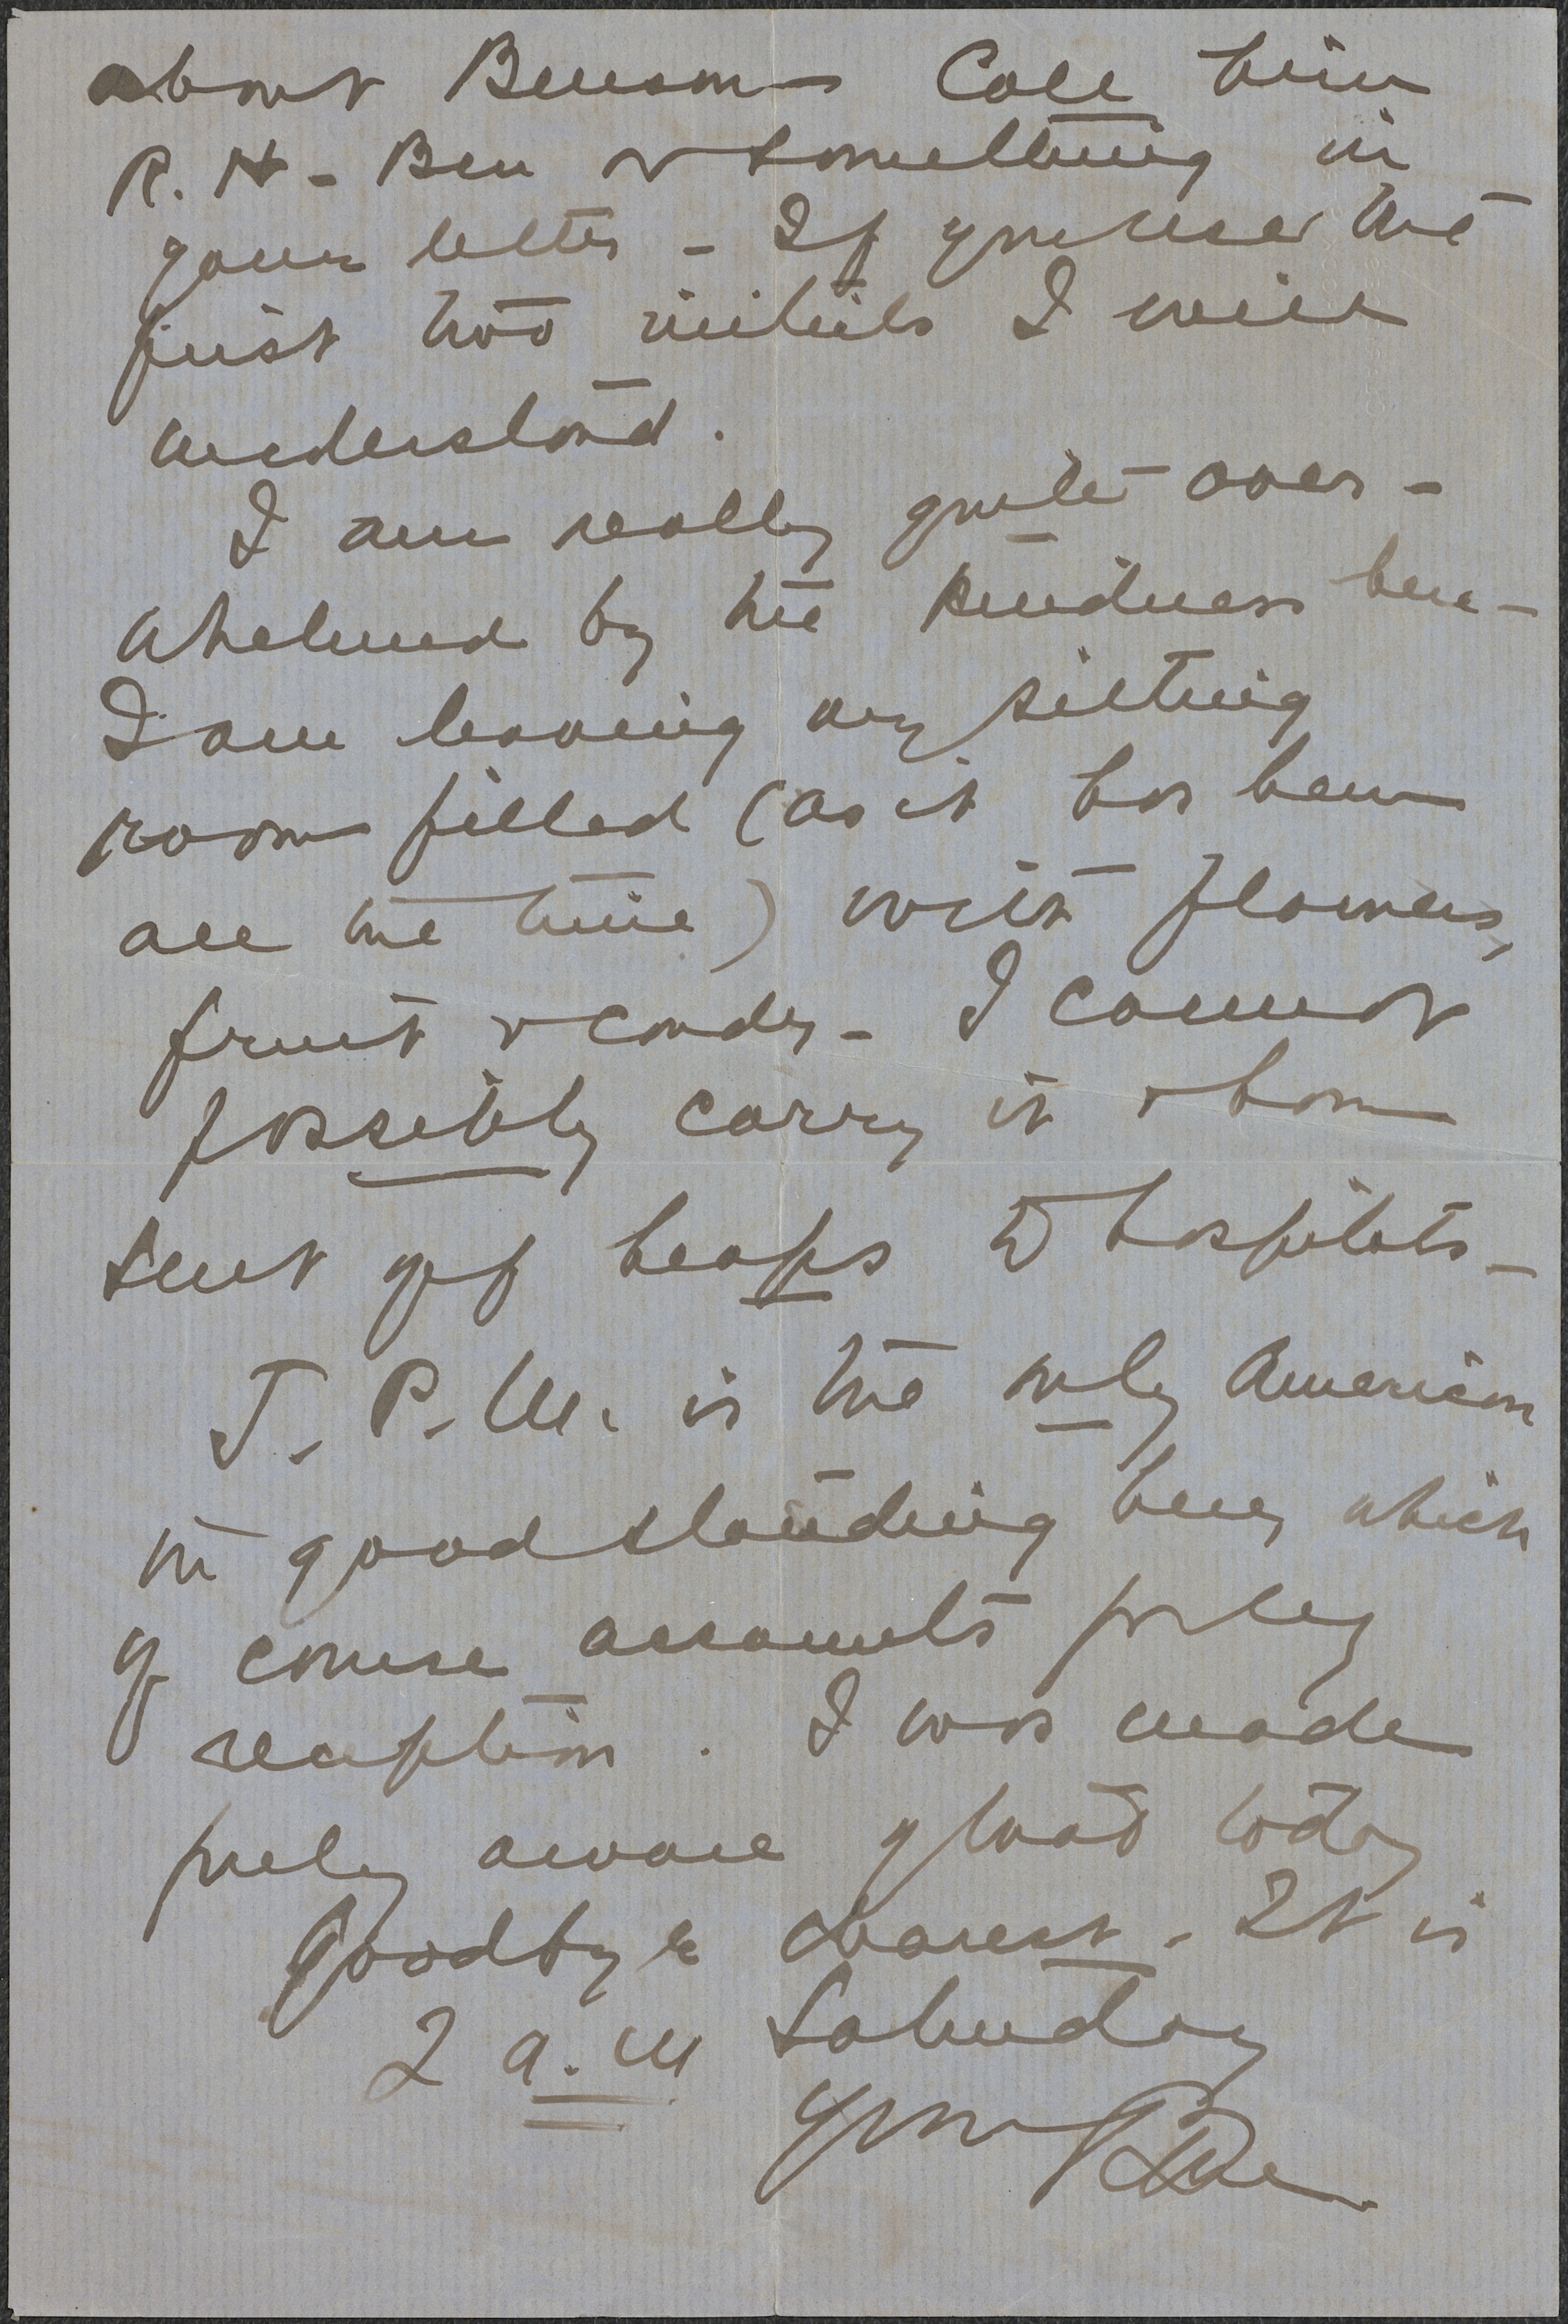about Benson – Call him R.H. Ben or something in your letter – If you use the first two initials I will understand.
I am really quite overwhelmed by the kindness here – I am leaving my sitting room filled (as it has been all the time) with flowers, fruit & candy – I cannot possibly carry it & have sent off heaps to hospitals –
J.P.M. is the only American in good standing here which of course accounts for my reception. I was made fully aware of that today
Goodbye dearest. It is 2 [double underlined: a.m.] Saturday
Your
Belle